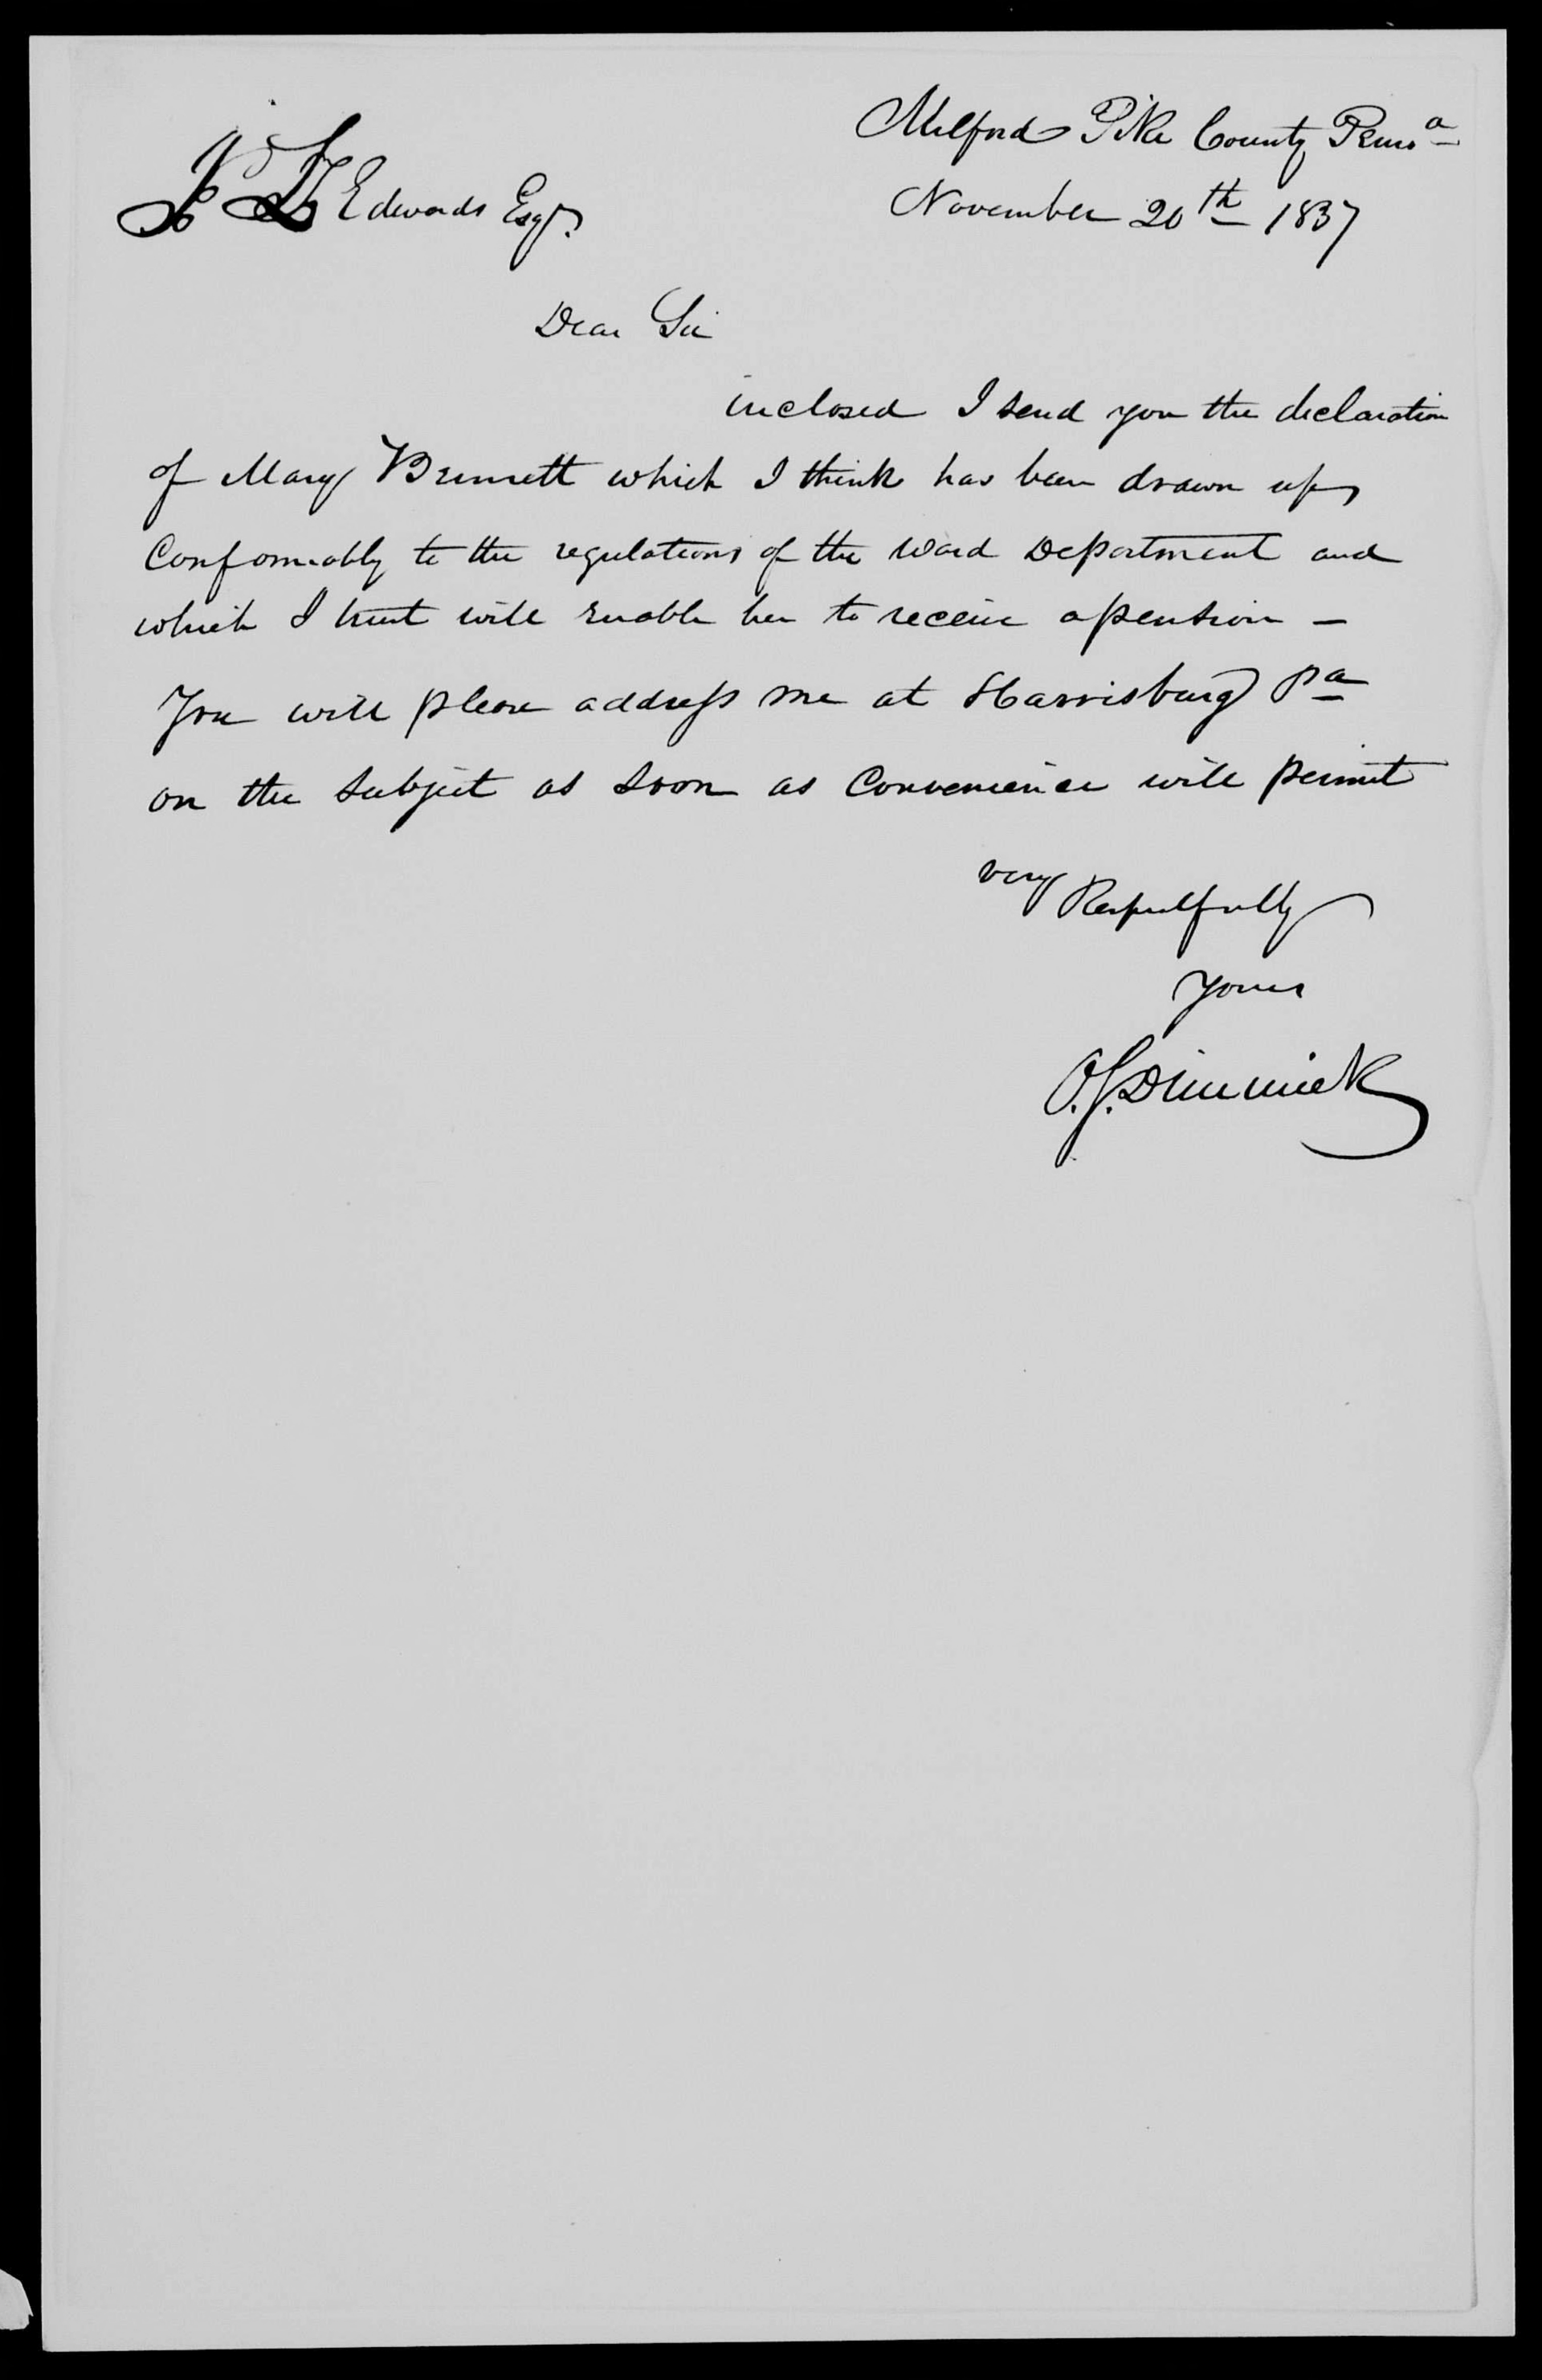J L Edwards Esq
Dear Sir
Milford Pike County Penna
November 20th, 1837
enclosed I send you the declaration
of Mary Bennett which I think has been drawn up
Conformably to the regulations of the War Department and
which I trust will enable her to receive a pension-
you will please address me at Harrisburg
on the subject as soon as convenience will permit
Respectfully
Yours
.. Dimmick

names: O S Dimmick, Mary Bennett, J L Edwards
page: 47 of 79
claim: widow's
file: W. 2,906, Stephen Bennet, Conn.